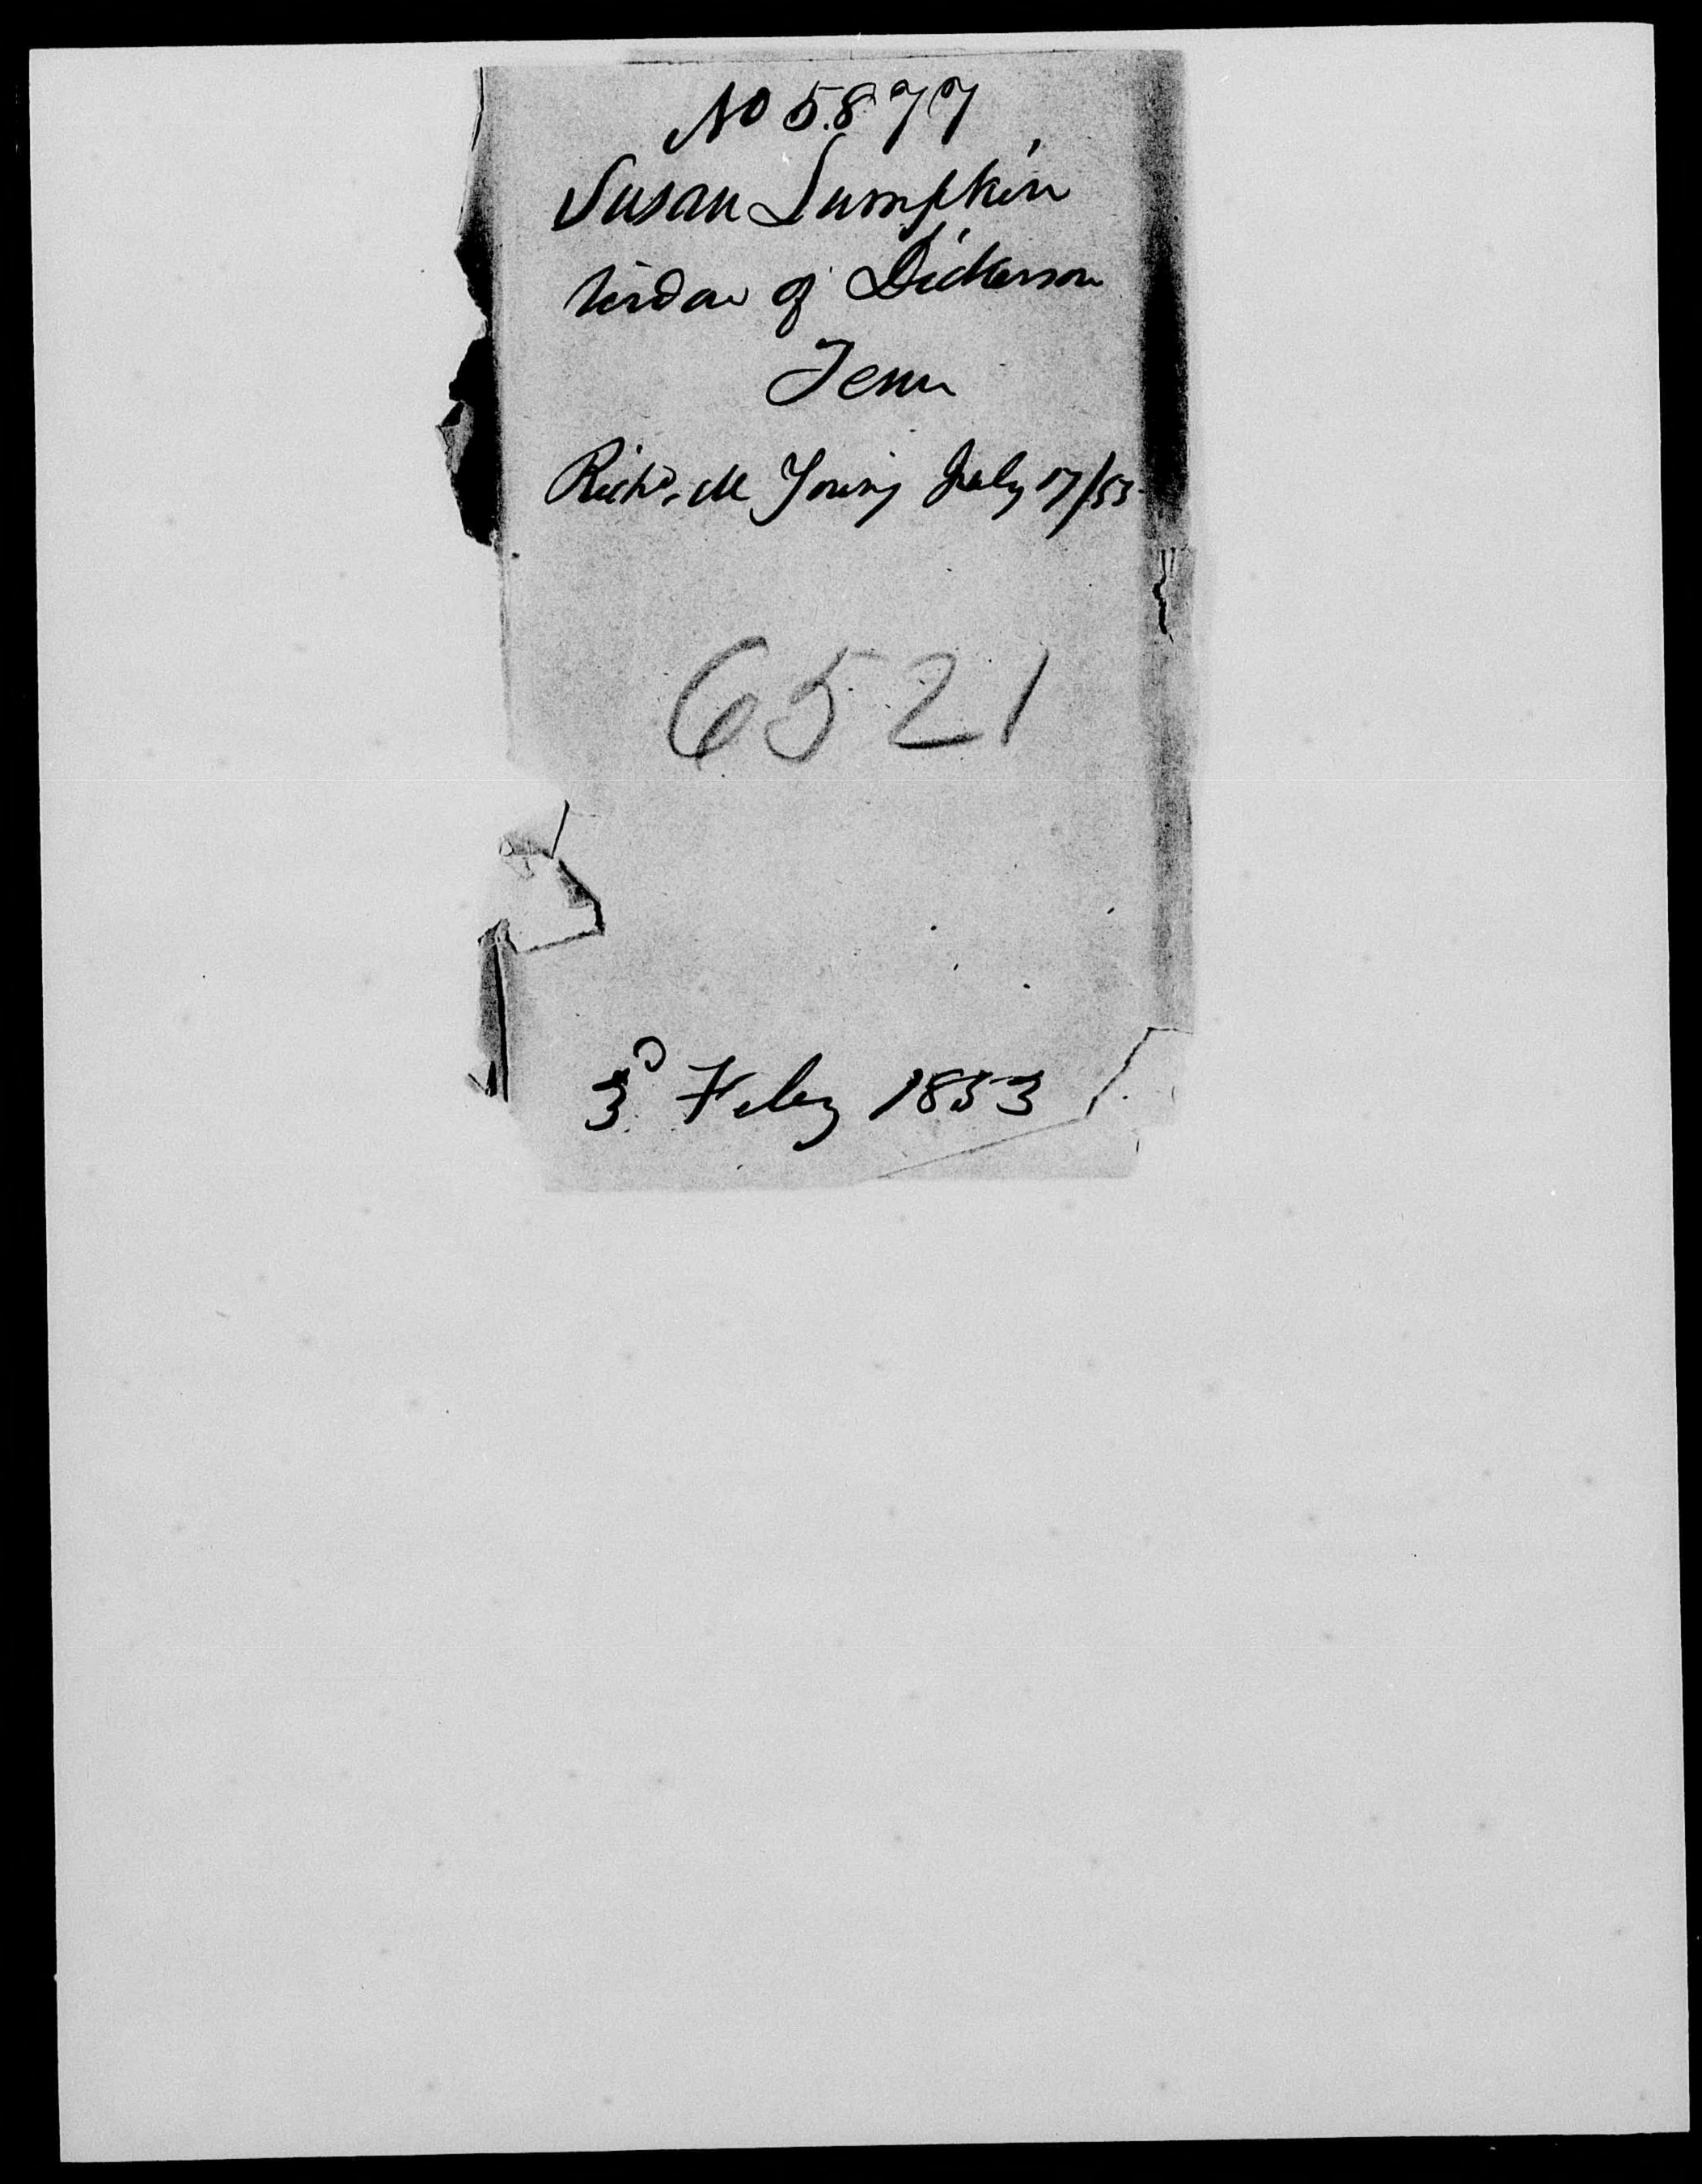(Handwritten document)

No 5877
Susan Lumpkin
widow of Dickeson
Tenn
Richd M Young July 17/53
6521
3d Feby 1853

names: Dickerson Lumpkin; Susan Lumpkin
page: 22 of 37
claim: rejected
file: R. 6521, for Dickeson Lumpkin, Pennsylvania